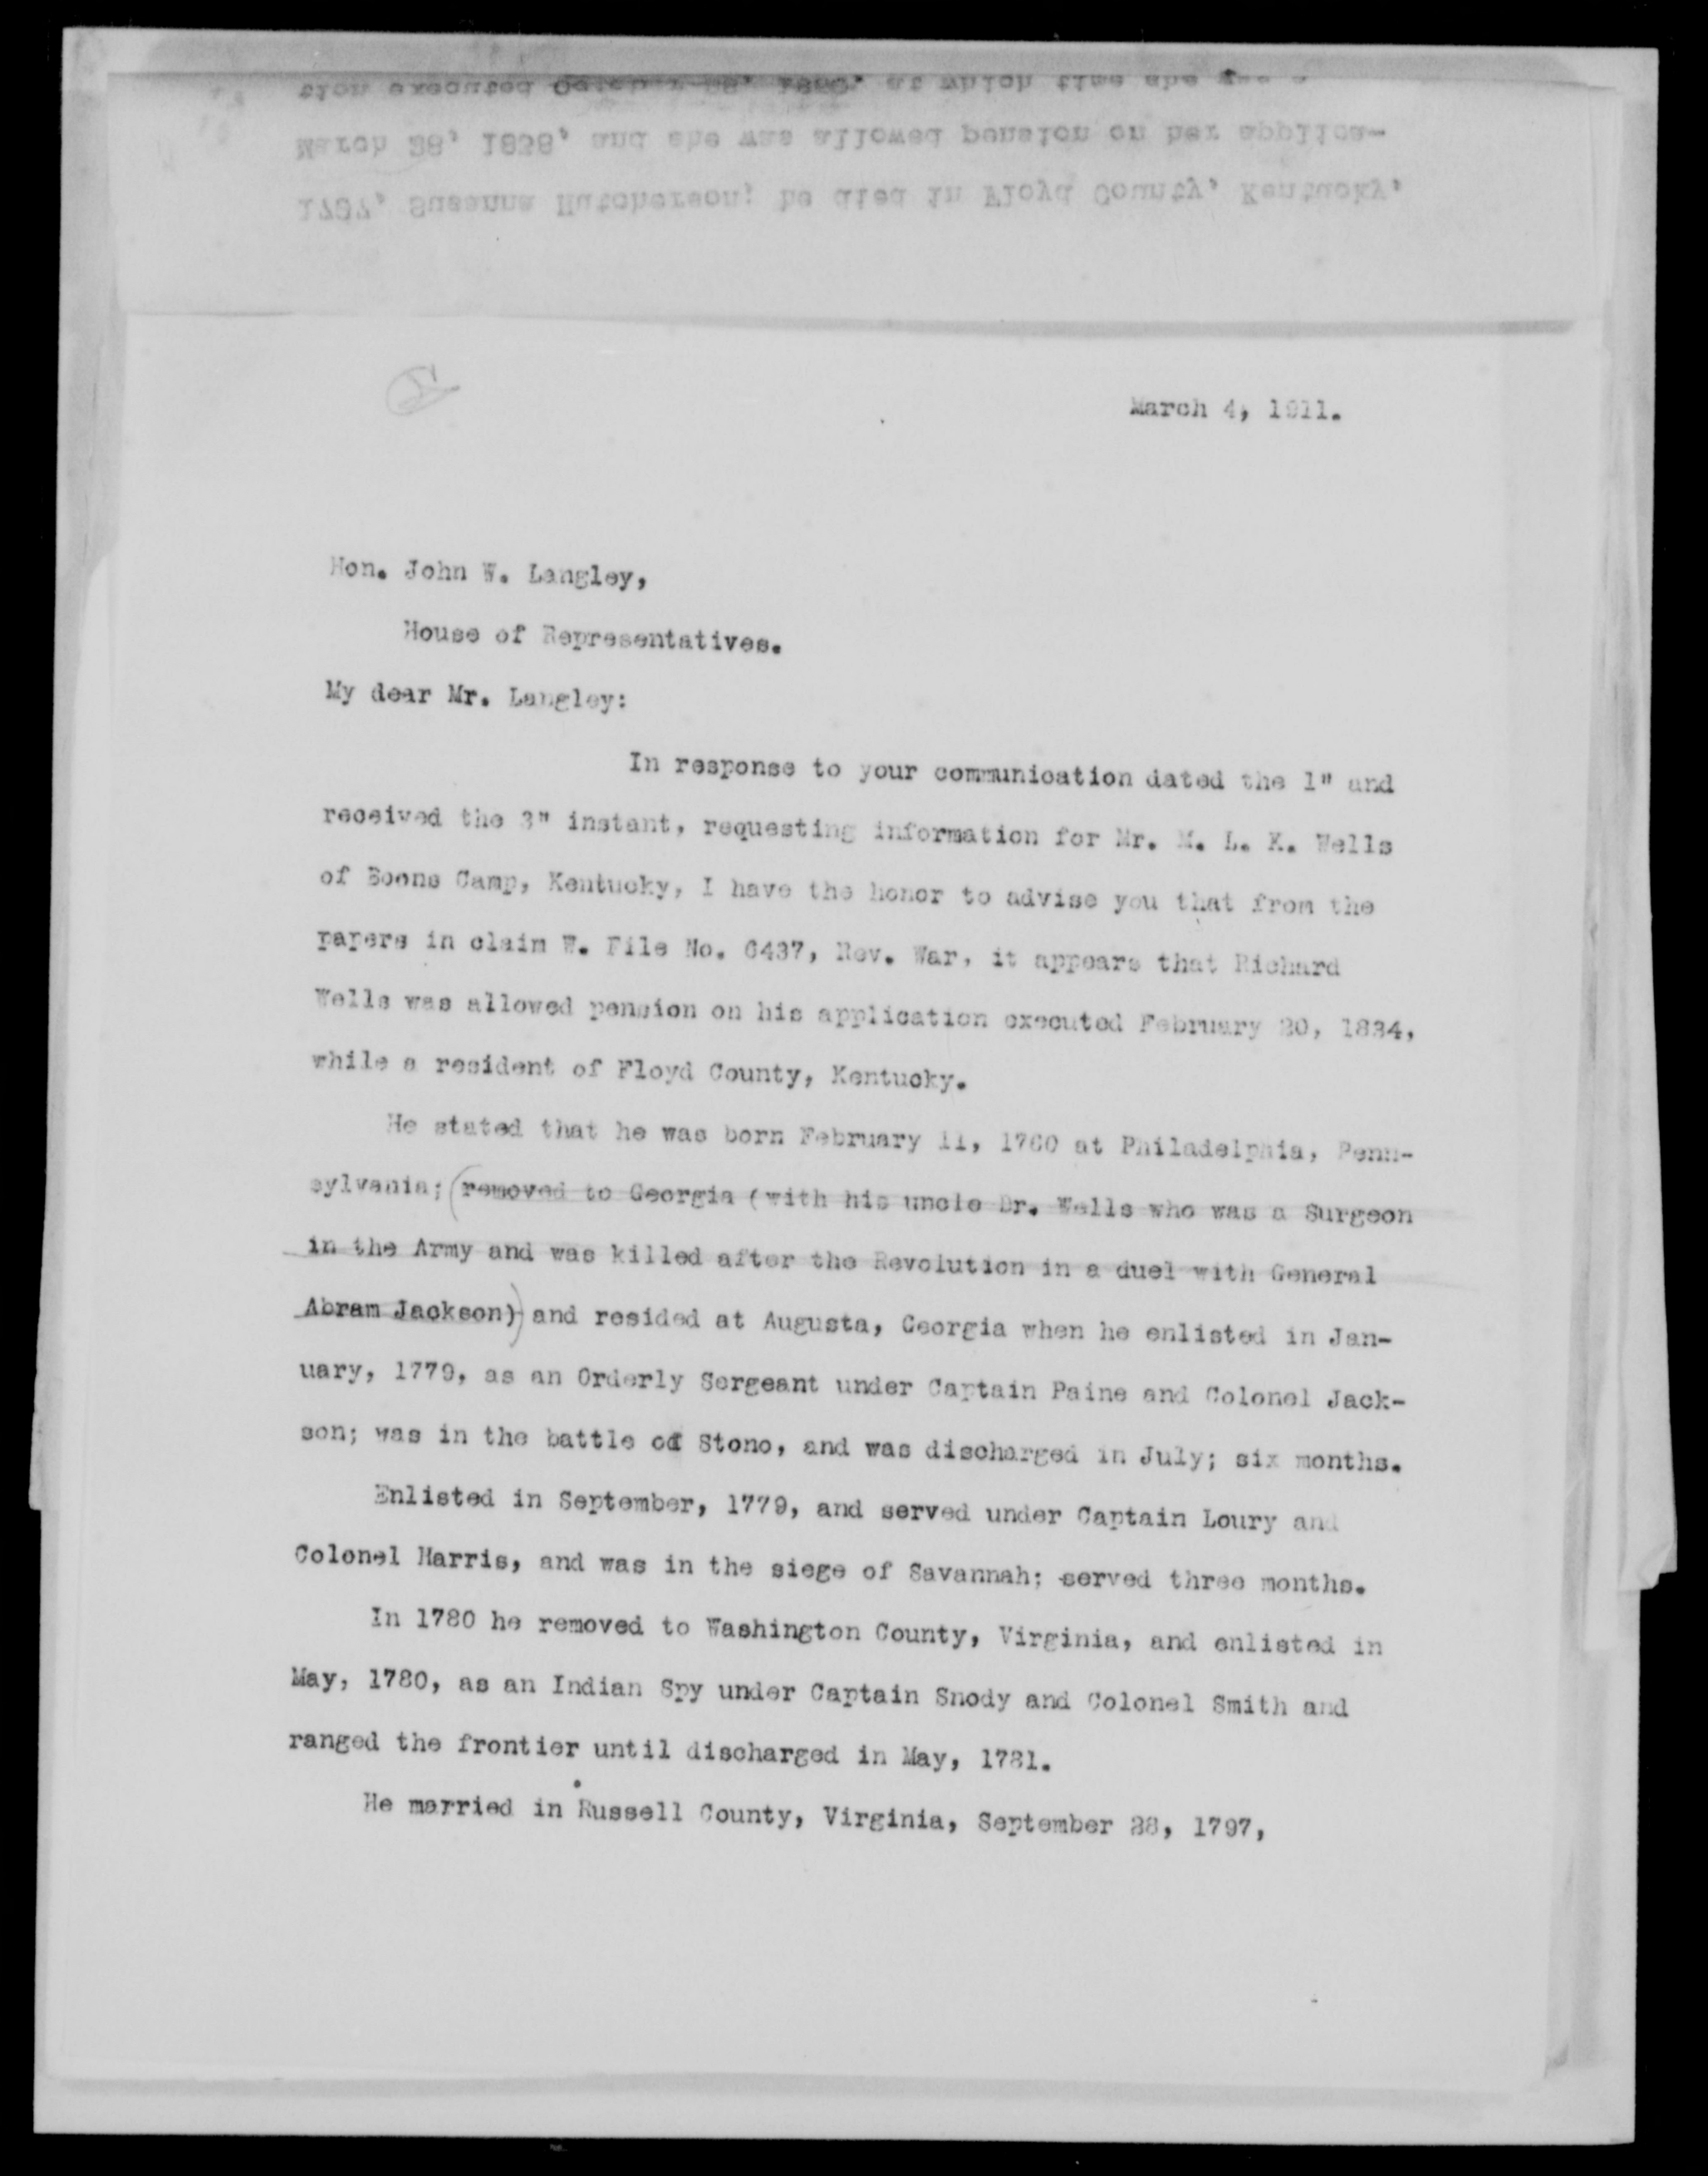March 4, 1921.

Hon. John W. Langley,
House of Representatives,

My dear Mr. Langley:
In response to your communication dated the 1" and
received the 3"" instant, requesting information for Mr. M. L. K. Wells
of Boone Camp, Kentucky, I have the honor to advise you that from the
papers in claim W. File No. 6437, Rev. War, it appears that Richard
Wells was allowed pension on his application executed February 20, 1834,
while a resident of Floyd County, Kentucky.
He stated that he was born February 11, 1760 at Philadelphia, Pennsylvania;
 (removed to Georgia with his uncle Dr Wells who was a Surgeon
in the Army and was killed after the Revolution in a duel with General
Abram Jackson) and resided at Augusta, Georgia when he enlisted in January,
 1779, as an Orderly Sergeant under Captain Paine and Colonel Jackson;
was in the battle of Stono, and was discharged in July; six months.
Enlisted in September, 1779, and served under Captain Loury and
Colonel Harris, and was in the siege of Savannah; served three months.
In 1780 he removed to Washington County, Virginia, and enlisted in
May, 1780, as an Indian Spy under Captain Snody and Colonel Smith and
ranged the frontier until discharged in May, 1781.
He married in Russell County, Virginia, September 28, 1797,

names: Loury, M L K Wells, Snody, Smith, Richard Wells, Jackson, John W Langley, Paine, Abram Jackson, Harris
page: 96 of 100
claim: widow's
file: W. 6437, Richard Wells, Ga Va.